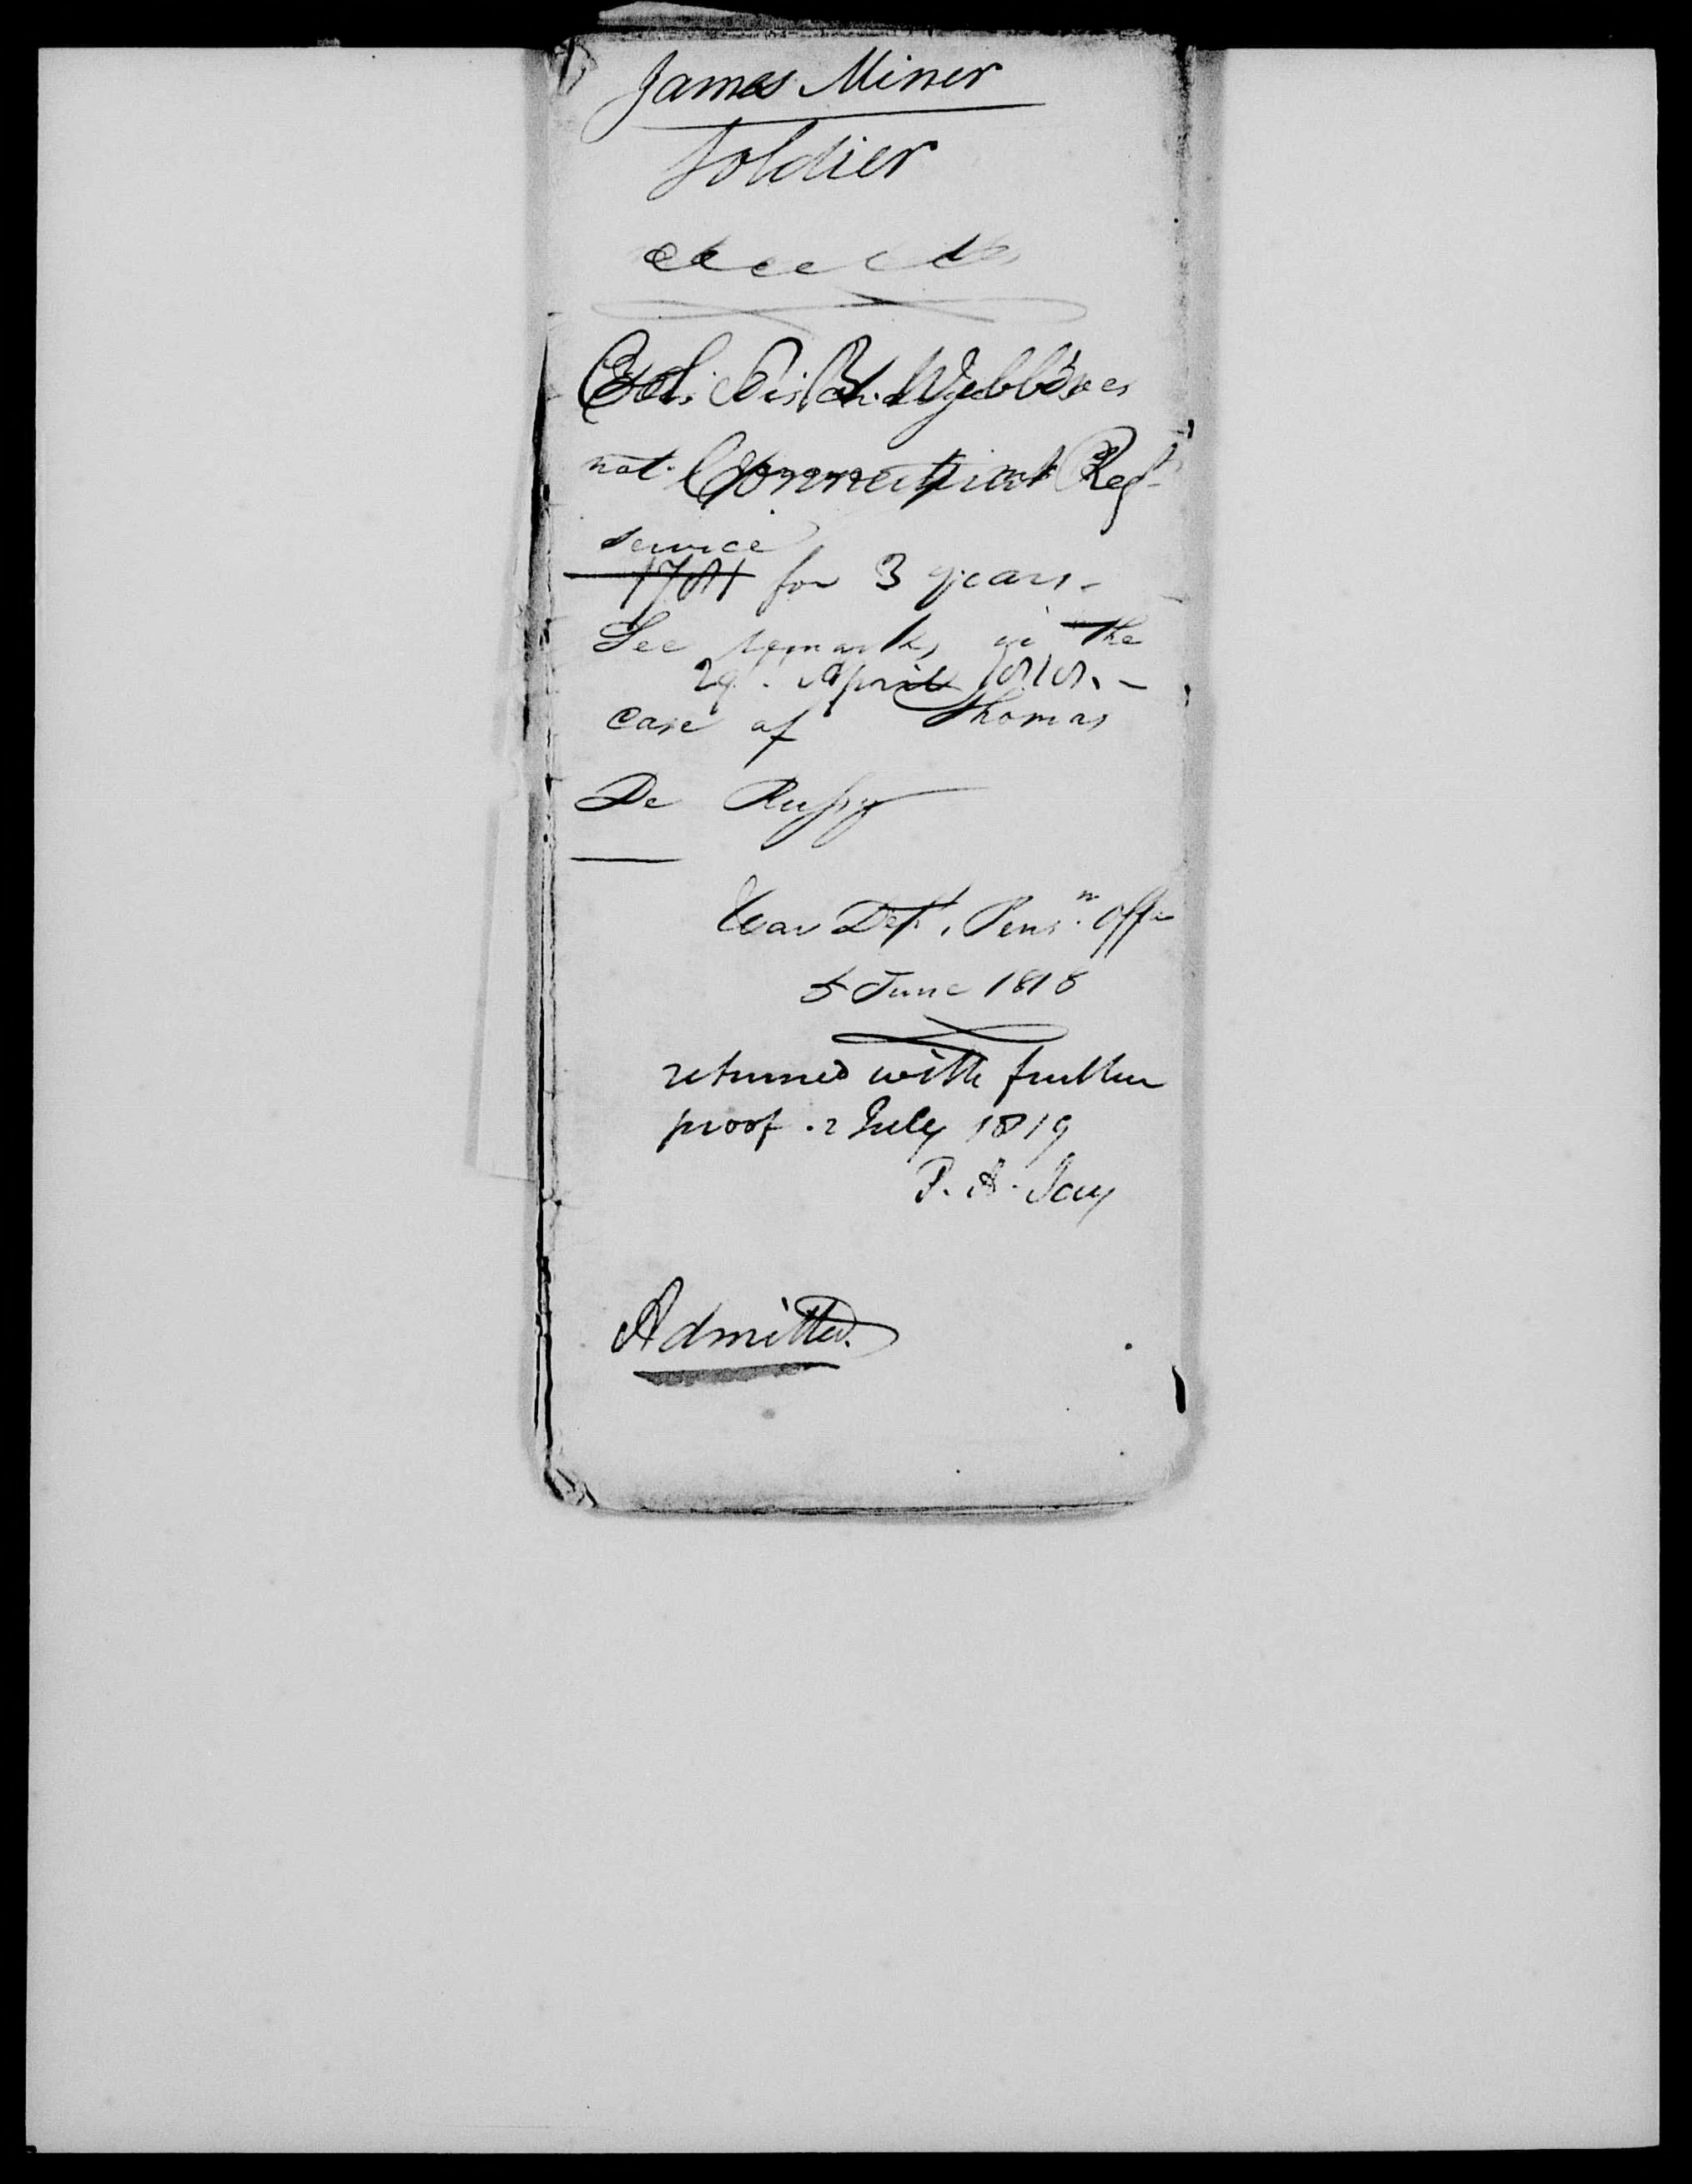[underlined James Miner] 

Soldier 

[illegible]

Col S B Webb's 
Connecticut Regt 

Service for 3 years. 

See remarks to the 29 April 1818 case of Thomas De Russy 

War Dept. Pens. Office 
5 June 1818 

returned with further proof. 2 July 1819 
P.A. Jay 

Admitted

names: James Miner; P A Jay; Thomas De Russy; S B Webb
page: 10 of 39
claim: survivor's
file: S. 23802, for James Miner, Connecticut